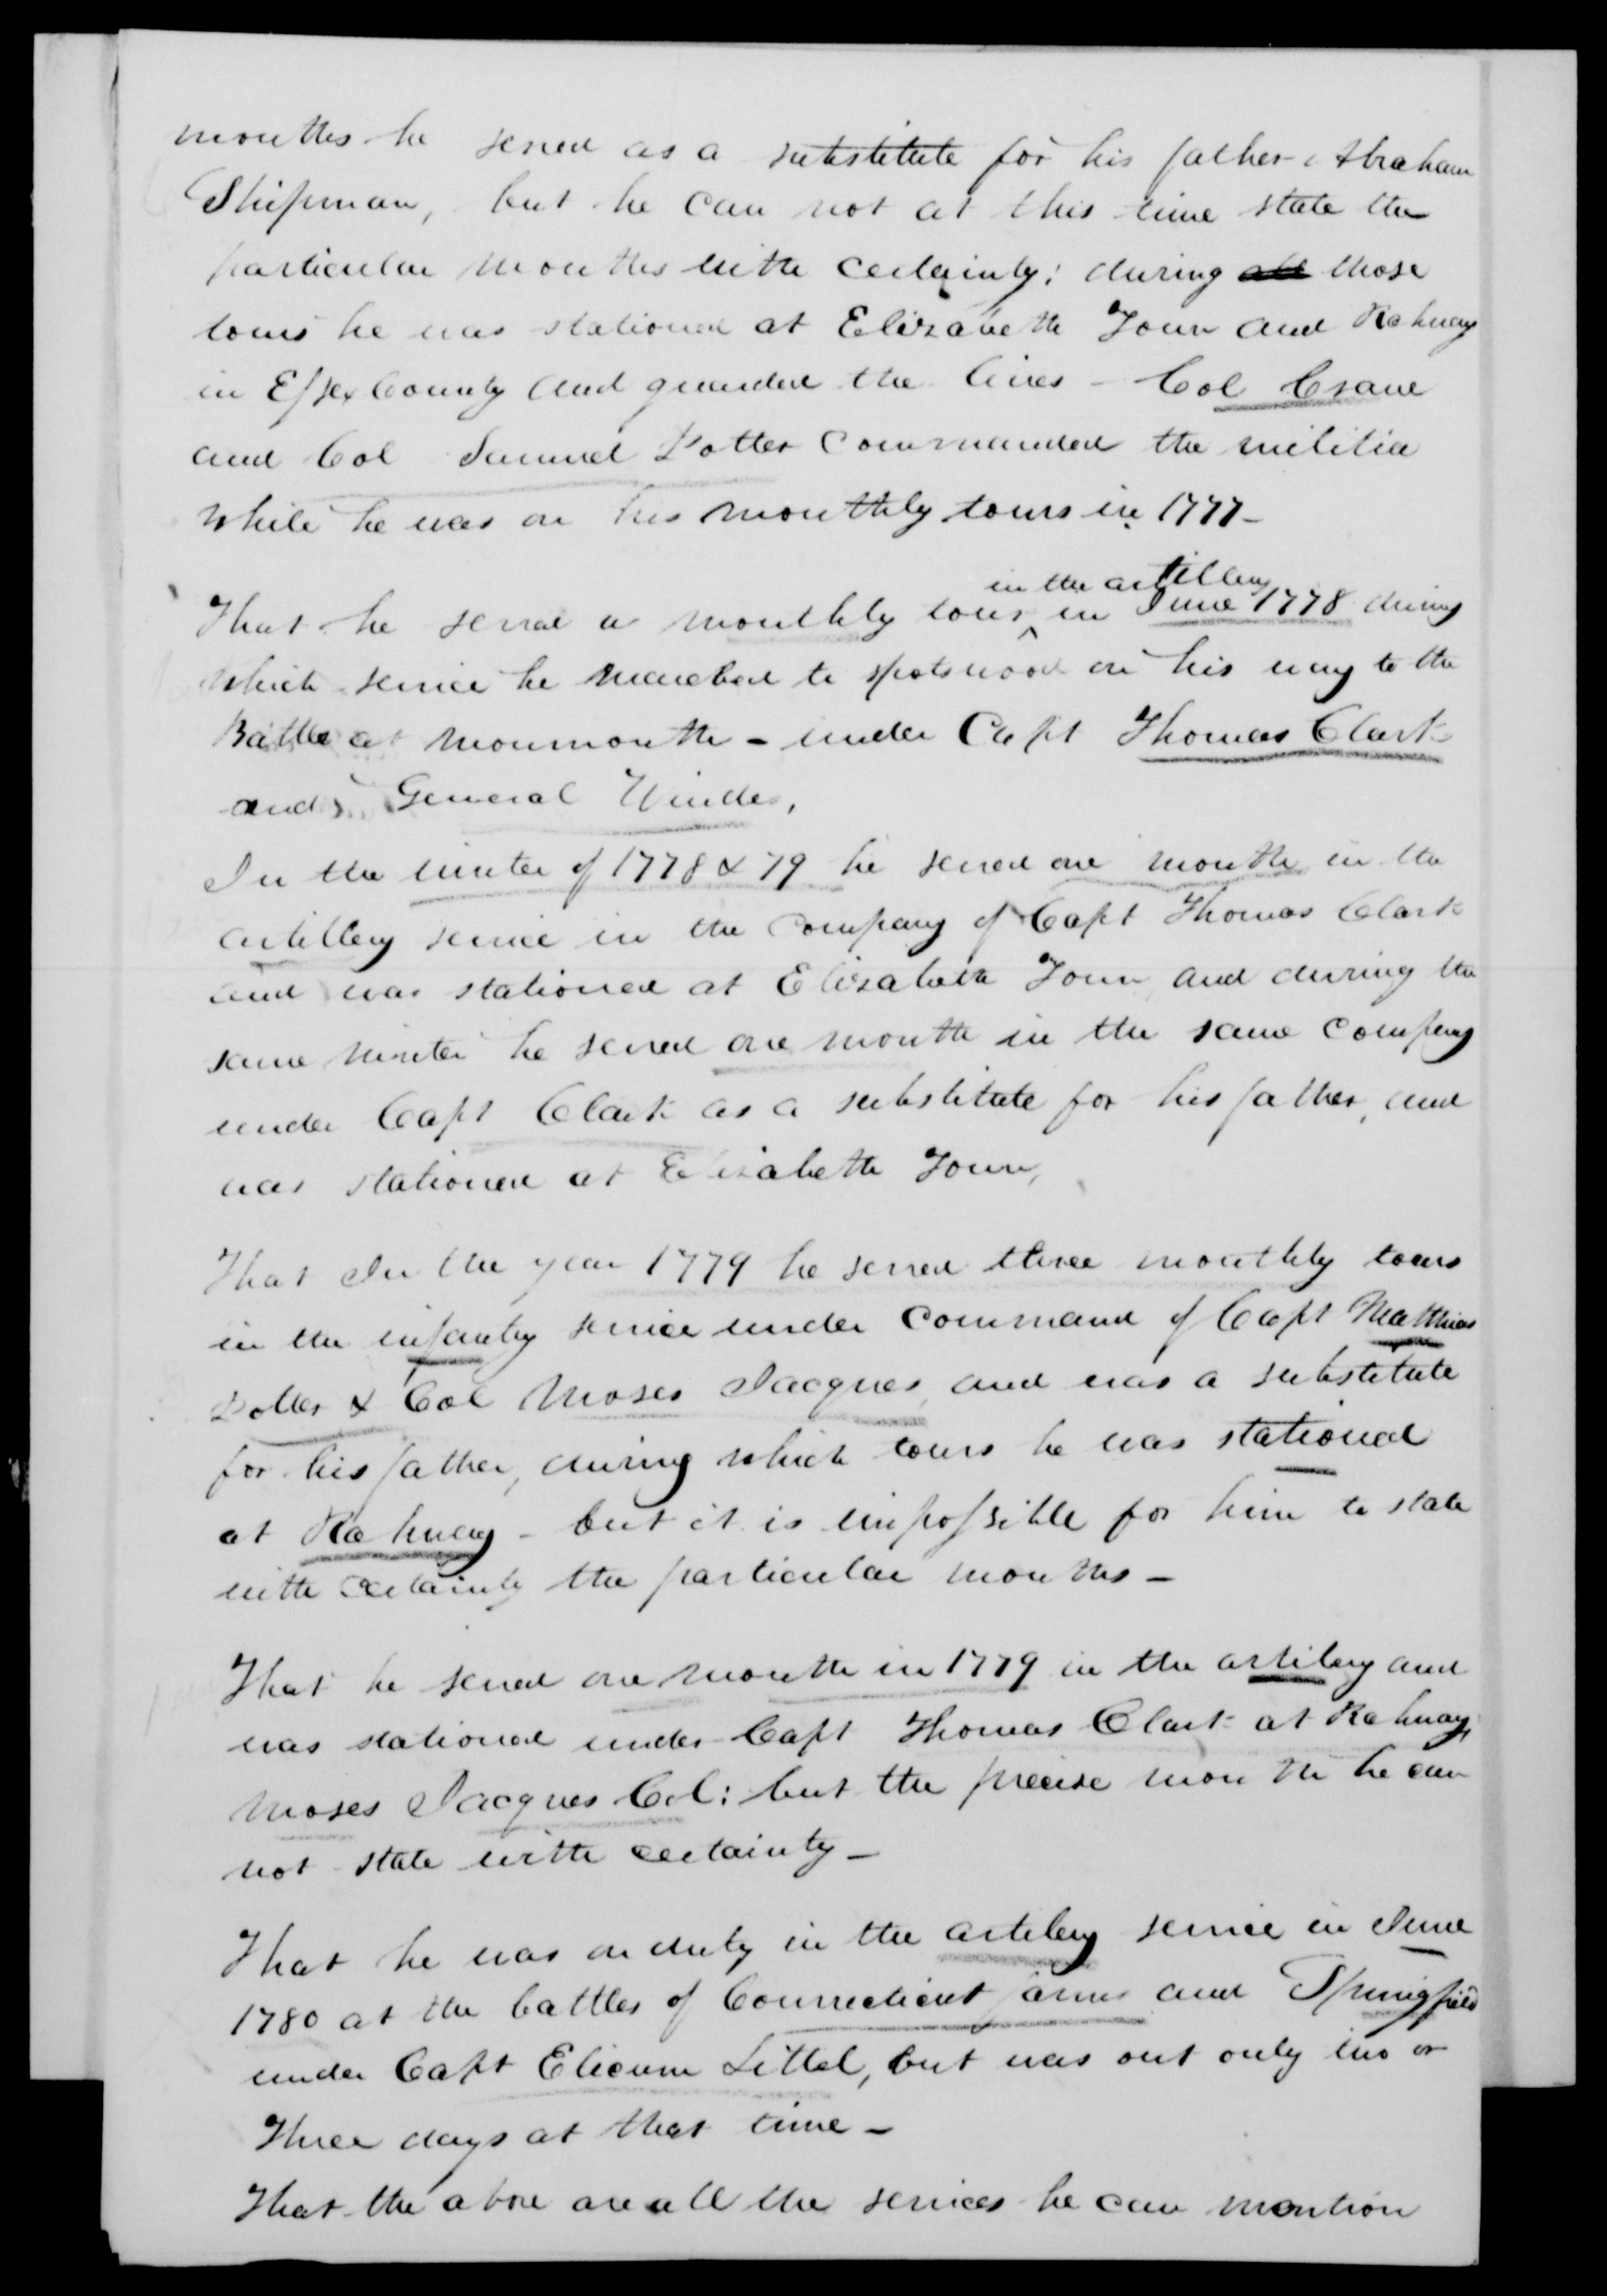months he served as a substitute for his father Abraham Shipman, but he can not at this time state the particular months with certainty; during those tours he was stationed at Elizabeth Town and Rahway in Essex County and guarded the lives -- Col Crane and Col Samuel Potter commanded the militia while he was on his monthly tours in 1777 --
   That he served a monthly tour in the artillery in June 1778 during which service he marched to Spotswood on his way to the battle at Monmouth -- Under Capt Thomas Clark and General Windes.
   In the winter of 1778 or 79 he served one month in the artillery service in the company of Capt Thomas Clark and was stationed at Elizabeth Town and during the same winter he served one month in the same company under Capt Clark as a substitute for his father and was stationed at Elizabeth Town,
   That in the year 1779 he served three monthly tours in the infantry service under command of Capt Matthias Potter + Col Moses Jacques, and was a substitute for his father, during which tours he was stationed at Rahwa -- but it is impossible for him to state with certainty the particular months --
   That he served one month in 1779 in the artillery and was stationed under Capt Thomas Clark at Rahway, Moses Jacques, Col: but the precise month he can not state with certainty --
    That he was on duty in the artillery service in June 1780 at the battles of Connecticut Fars and Springfield under Capt Elicum Littel, but was out only two or three days at that time --
  That the above are all the services he can mention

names: [BLANK] Crane; Samuel Potter; Elicum Littel; Thomas Clark; Moses Jacques; [BLANK] Windes; Thomas Clark; Matthias Potter; Abraham [BLANK]; Moses Jacques; Thomas Clark; [BLANK] Clark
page: 25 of 44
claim: survivor's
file: S. 912, for Samuel Shipman, New Jersey